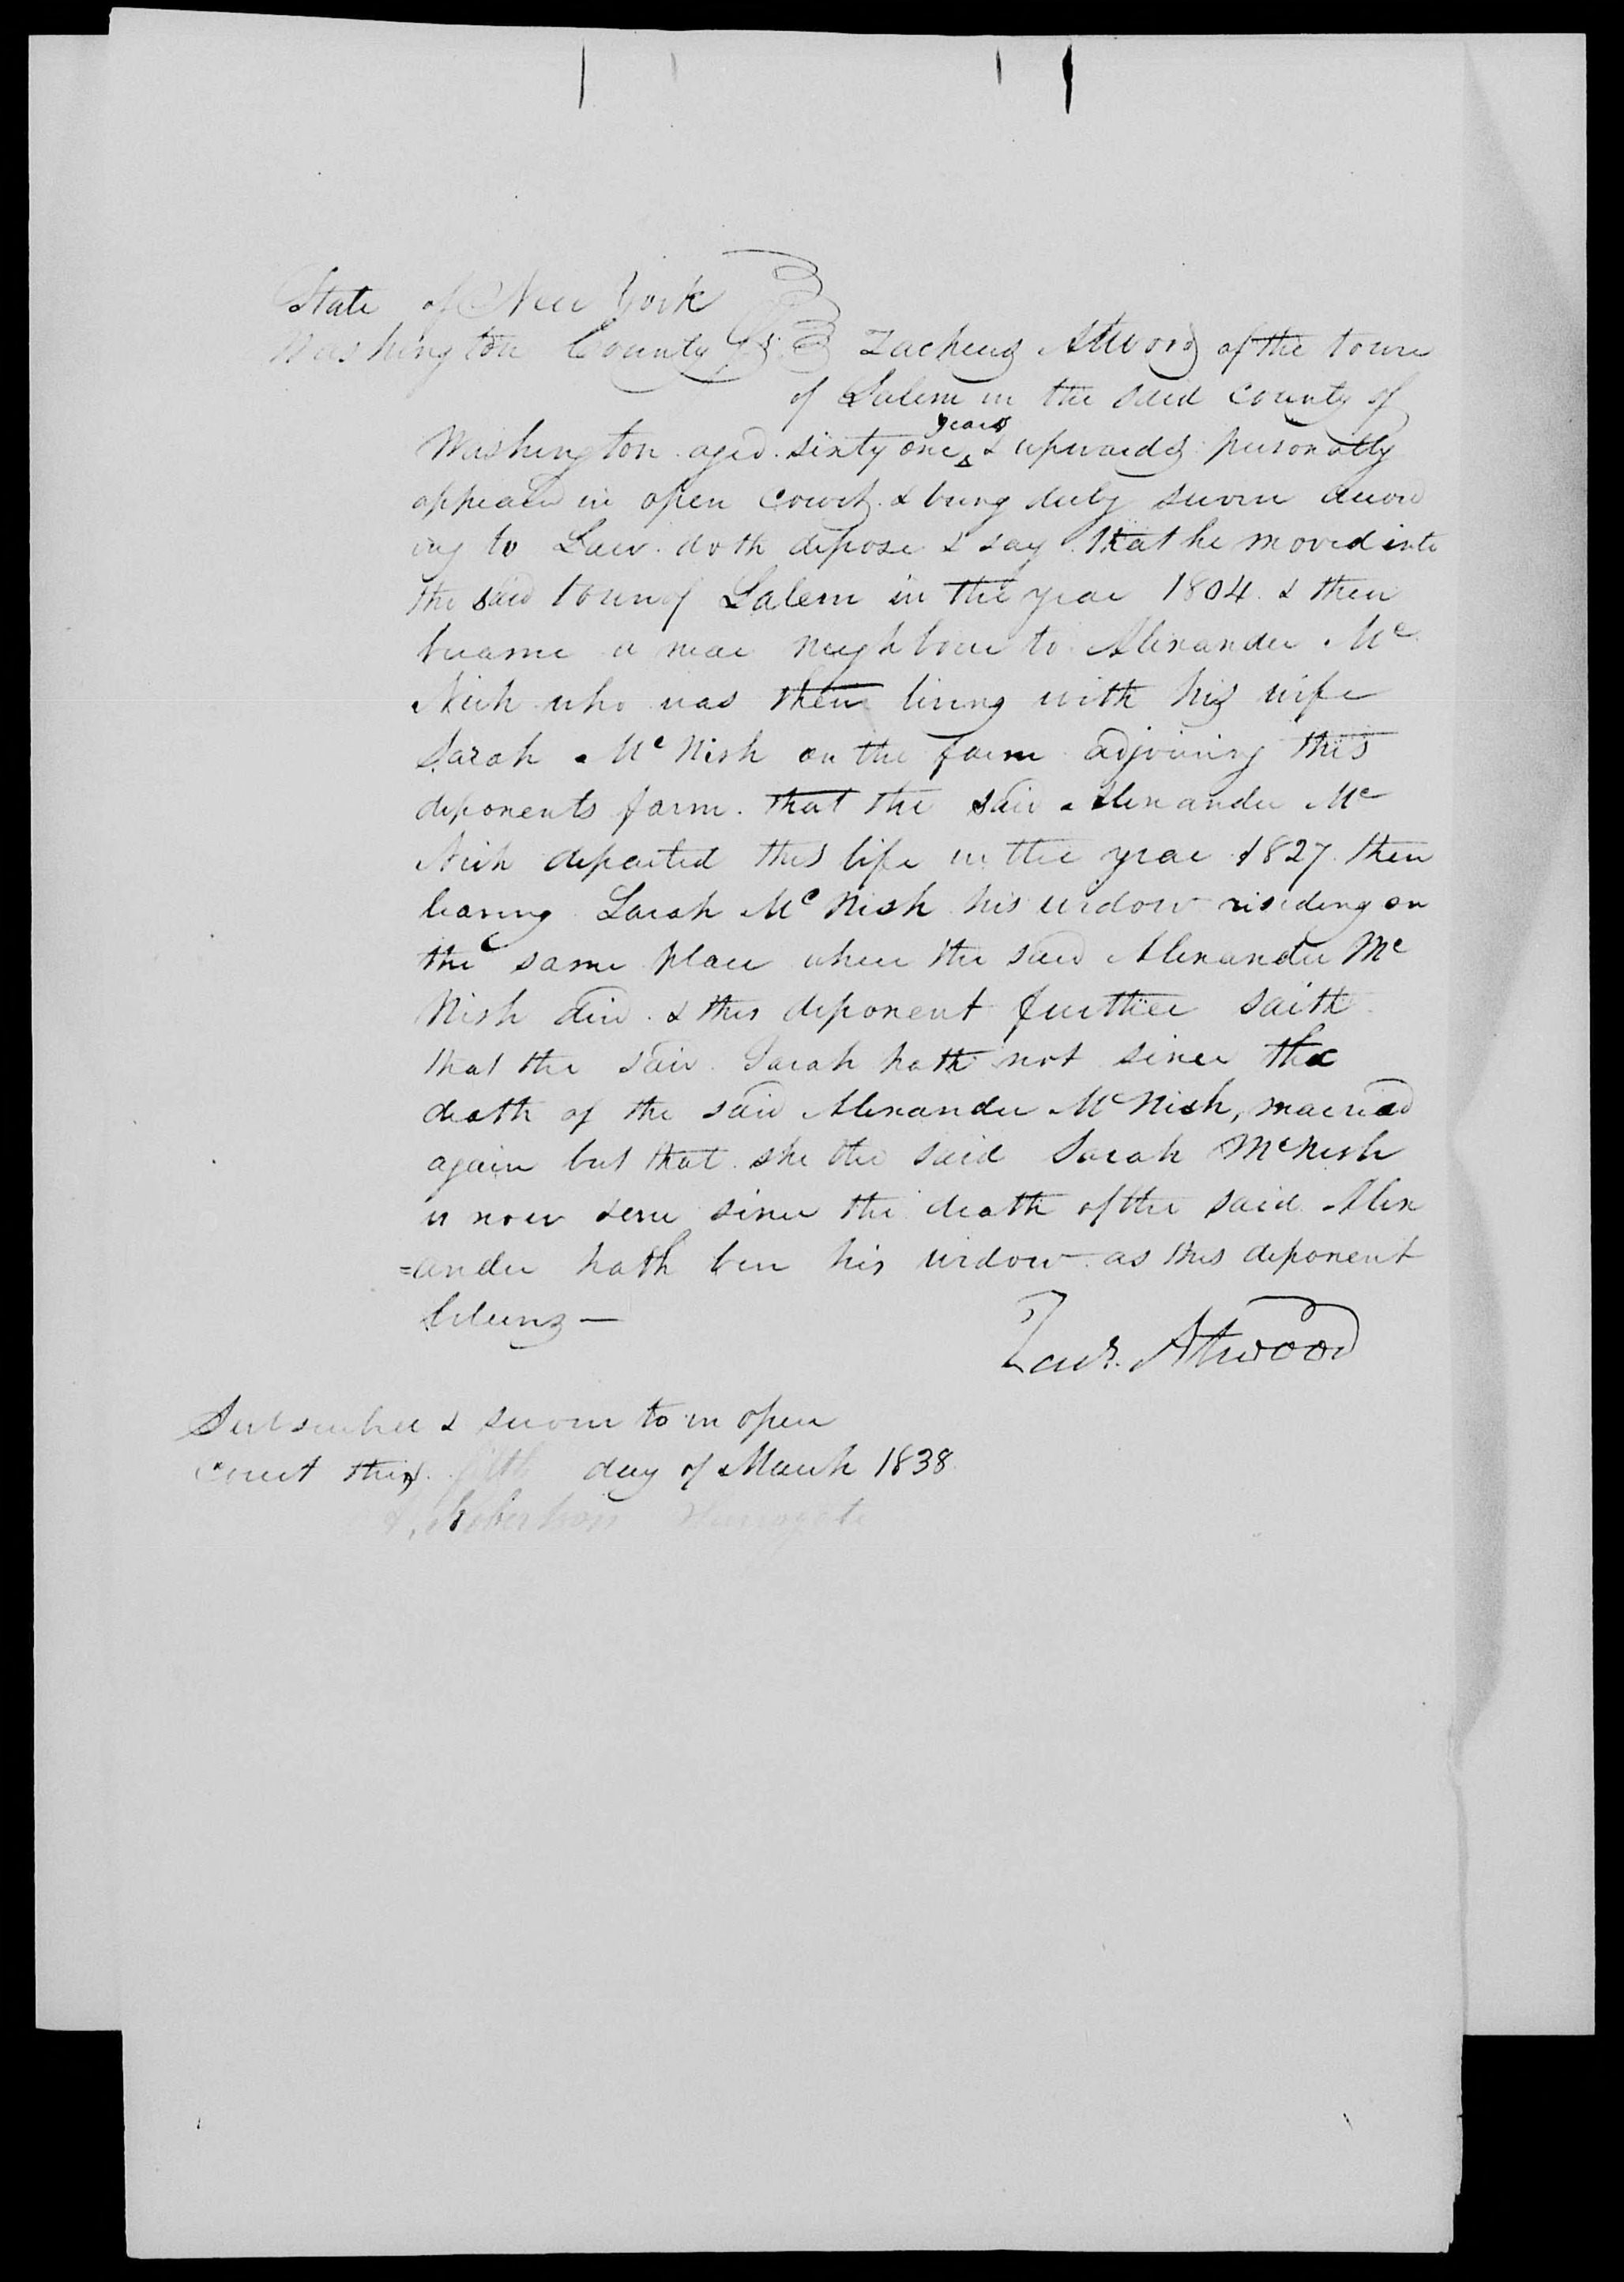State of New York 
Washington County SS} Zacheus Atwood of the town of Salem in the said county of Washington aged sixty one years and upwards personally appeared in open court and being duly sworn according to Law doth depose and say that he moved into the said town of Salem in the year 1804 and then became a neighbor to Alexander McNish who was then living with his wife Sarah McNish on the farm adjoining this deponents farm. That the said Alexander McNish deported this life in the year 1827 then leaving Sarah McNish his widow residing on the same place where the said Alexander McNish died and this deponent further saith that the said Sarah hath not since the death of the said Alexander McNish married again, but that she the said Sarah McNish is now (unknown) since the death of the said Alexander hath been his widow- as this deponent believes.
Zach Atwood

Subscribed and sworn to in open
court this fifth day of March 1838
A. Robertson Surrogate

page: 17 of 42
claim: widow's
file: W. 23,937 S. 28094, for Alexander Mc Nish, New York